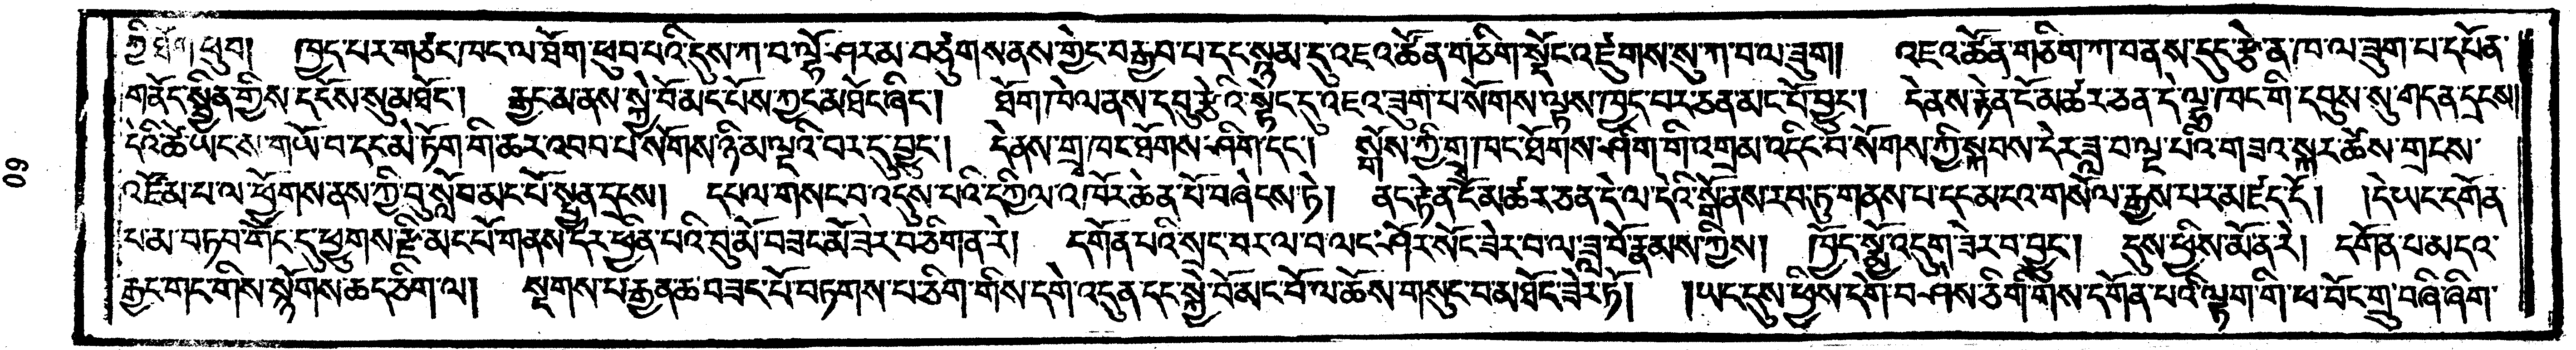ཀྱི་ཐོག་ཕུབ། ཁྱད་པར་གཙང་ཁང་ལ་ཐོག་ཕུབ་པའི་དུས་ཀ་བ་ལྷོ་ཤར་མ་བཙུགས་ནས་གྱེང་བརྒྱབ་པ་དང་སྙམ་དུ་འཇའ་ཚོན་གཅིག་སྡོང་འཛུགས་སུ་ཀ་བ་ལ་ཟུག། འཇའ་ཚོན་གཅིག་ཀ་བ་ནས་དུང་རྩེ་ན་ཁ་ལ་ཟུག་པ་དཔོན་
གནོད་སྦྱིན་གྱིས་དངོས་སུ་མཐོང་། རྒྱང་མ་ནས་སྐྱེ་བོ་མང་པོས་ཀྱང་མཐོང་ཞིང་། ཐོག་ཁེལ་ནས་དབུ་རྩེའི་སྟེང་དུ་འཇའ་ཟུག་པ་སོགས་ལྟས་ཁྱད་པར་ཅན་མང་པོ་བྱུང་། དེ་ནས་རྟེན་ངོ་མཚར་ཅན་དེ་ལྷ་ཁང་གི་དབུས་སུ་གདན་དྲངས།
དེའི་ཚེ་ཡང་ས་གཡོ་བ་དང་མེ་ཏོག་གི་ཆར་འབབ་པ་སོགས་ཉི་མ་ལྔའི་བར་དུ་བྱུང་། དེ་ནས་གྲྭ་ཁང་ཐོགས་ཤིག་དང་། སྒོས་ཀྱི་གྲྭ་ཁང་ཐོགས་ཤིག་གི་འགྲམ་འདིང་བ་སོགས་ཀྱི་སྐབས་དེར་ཟླ་བ་ལྔ་པའི་གཟའ་སྐར་ཚེས་གྲངས་
འཛོམ་པ་ལ་ཕྱོགས་ནས་ཀྱི་བུ་སློབ་མང་པོ་སྤྱན་དྲངས། དཔལ་གསང་བ་འདུས་པའི་དཀྱིལ་འཁོར་ཆེན་པོ་བཞེངས་ཏེ། ནང་རྟེན་ངོ་མཚར་ཅན་དེ་ལ་དེའི་སྒོ་ནས་རབ་ཏུ་གནས་པ་དང་མངའ་གསོལ་རྒྱས་པར་མཛད་དོ། །དེ་ཡང་དགོན་
པ་མ་བཏབ་གོང་དུ་ཕྱུགས་རྫི་མང་པོ་གནས་དར་ཕྱིན་པའི་བུ་མོ་བཟང་མོ་ཟེར་བ་ཅིག་ན་རེ། དགོན་པའི་སྲད་བར་ལ་བ་ལང་ཤོར་སོང་ཟེར་བ་ལ་ཟླ་བོ་རྣམས་ཀྱིས། ཁྱོད་སྨྱོ་འདུག་ཟེར་བ་བྱུང་། དུས་ཕྱིས་མོ་ན་རེ། དགོན་པ་མདའ་
རྒྱང་གང་གིས་སྙོགས་ཆད་ཅིག་ལ་།སྔས་པ་རྒྱན་ཆ་བཟང་པོ་བཏགས་པ་ཅིག་གིས་དགེ་འདུན་དང་སྐྱེ་བོ་མང་པོ་ལ་ཆོས་གསུང་བ་མཐོང་ཟེར་ཏོ། །ཡང་དུས་ཕྱིས་དགེ་བཤེས་ཅིག་གིས་དགོན་པའི་ལྟག་གི་ཕ་བོང་གྲུ་བཞི་ཞིག་